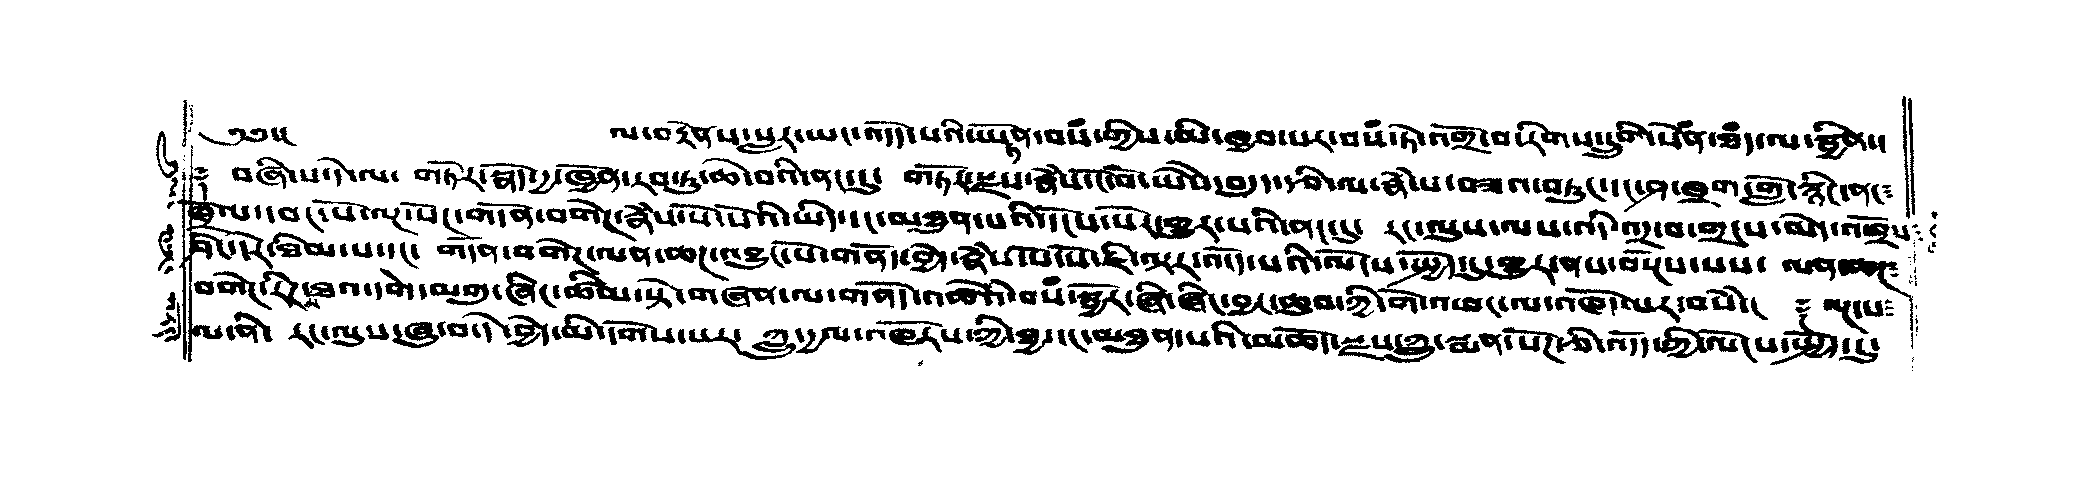ལ་བརྟེན་ནས་སླར་ཡང་འདོད་པའི་ཡོན་ཏན་བསམ་གྱིས་མི་ཁྱབ་པར་བསམ་སྟེ་འགྲོ་བ་རིགས་དྲུག་གི་སེམས་ཅན་ཐམས་ཅད་ལ་སྦྱིན། 
༈ བཞི་པ་དེ་ལ། གཏོར་སྣོད་རྒྱ་ཁྱོན་རབ་ཏུ་ཆེ་བའི་ནང་དུ།གཏོར་རྫས་རྣམས་ངོ་བོ་ཡེ་ཤེས་བདུད་རྩི་ལ་རྣམ་པ་བཟའ་བཏུང་དང་ཤ་ཁྲག་གློ་རྙིང་ནང་
ཁྲོལ་དབང་པོ་ལྔ་སོགས་གདོན་བགེགས་རྣམས་སོ་སོའི་ཡིད་དང་མཐུན་པའི་དངོས་པོར་གྱུར་པའི་ནང་དུ། རང་ལུས་ལས་འདི་འདྲ་བ་གྲངས་མེད་འཕྲོས་
ཤིང་དེར་ཐིམ་པ་དང་། གདོན་བགེགས་ལན་ཆགས་འབྱུང་པོ་གནོད་བྱེད་རྣམས་སོ་སོ་ཇི་ལྟར་འདོད་པའི་ལོངས་སྤྱོད་དུ་གྱུར་ནས་བསྔོས་པས། ལན་ཆགས་
བགེགས་རིགས་མཐའ་དག་དགེ་མགུ་ཞིང་ཚིམ་སྟེ་གཞན་ལ་གནོད་འཚེའི་བསམ་སྦྱོར་ཞི་ཞིང་བྱང་ཆུབ་ཀྱི་གོ་འཕང་ལ་འཁོད་པར་བསམ། ༈ ལྔ་པ་
ལ་ནི། རང་ལུས་ཞུ་བ་དེ་བྱེད་མི་དགོས་པར། ཀླུ་རྒྱལ་འཁོར་བཅས་ཀྱི་ཐུགས་དང་མཐུན་པའི་མཆོད་རྫས་ཀླུ་སྨན་སོགས་ཅི་རིགས་ཀྱི་ལོངས་སྤྱོད་དུ་